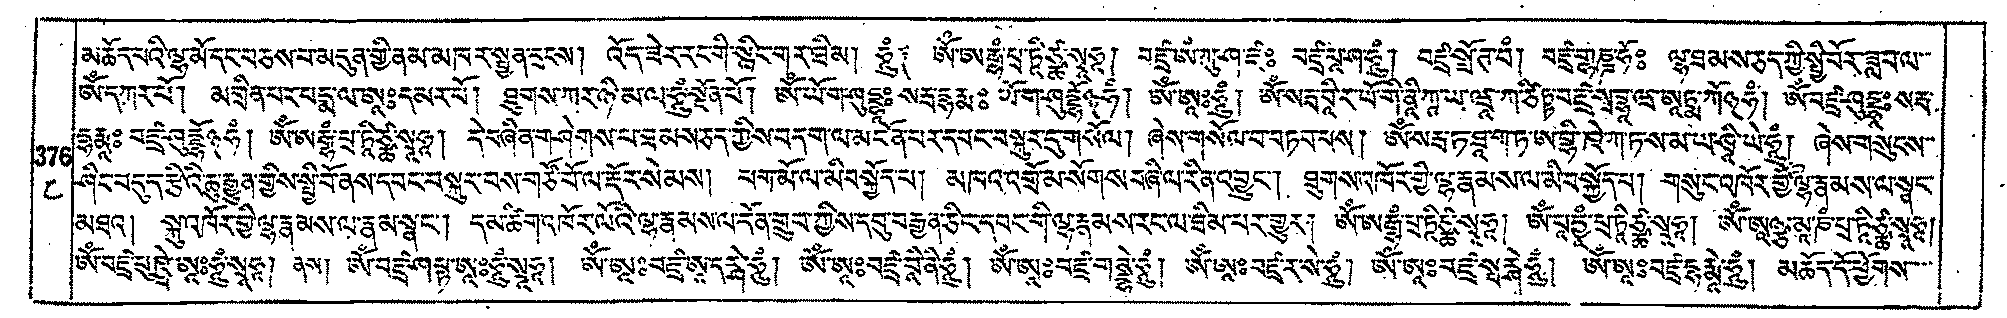མཆོད་པའི་ལྷ་མོ་དང་བཅས་པ་མདུན་གྱི་ནམ་མཁར་སྤྱན་དྲངས། འོད་ཟེར་རང་གི་སྙིང་གར་ཐིམ། ཧཱུཾ༑ ཨོཾ་ཨརྒྷཾ་པྲ་ཏཱིཙྪ་སྭཱཧཱ། བཛྲ་ཨོཾ་ཀུ་ཤ་ཛཿ བཛྲ་པཱ་ཤ་ཧཱུཾ། བཛྲ་སྥོ་ཊ་བཾ། བཛྲ་གྷཎྜ་ཧོཿ ལྷ་ཐམས་ཅད་ཀྱི་སྤྱི་བོར་ཟླ་བ་ལ་་་
ཨོཾ་དཀར་པོ། མགྲིན་པར་པདམ་ལ་ཨཱཿདམར་པོ། ཐུགས་ཀར་ཉི་མ་ལ་ཧཱུཾ་སྔོན་པོ། ཨོཾ་ཡོ་ག་ཤུདྡྷཱཿ སརྦ་དྷརྨཿཡོ་ག་ཤུདྡྷོཉཧཾ། ཨོཾ་ཨཱཿཧཱུཾ། ཨོཾ་སརྦ་བཱི་ར་ཡོ་གི་ནཱི་ཀཱ་ཡ་ཝཱ་ཀ་ཙིཏྟ་བཛྲ་སྭ་བྷཱ་ཝ་ཨཱཏྨ་ཀོཉཧཾ། ཨོཾ་བཛྲ་ཤུདྡྷཱཿ སརྦ་
དྷརྨཱཿབཛྲ་ཤུདྡྷོཉྷཾ། ཨོཾ་ཨརྒཾ་པྲ་ཏཱིཙྪ་སྭཧཱ། དེ་བཞིན་གཤེགས་པ་ཐམས་ཅད་ཀྱིས་བདག་ལ་མངོན་པར་དབང་བསྐུར་དུ་གསོལ། ཞེས་གསོལ་བ་བཏབ་པས། ཨོཾ་སརྦ་ཏ་ཐཱ་ག་ཏ་ཨ་བྷི་ཥེ་ཀ་ཏ་ས་མ་ཡ་ཤྲཱི་ཡེ་ཧཱུཾ། ཞེས་གསུངྶ་་་
ཤིང་བདུད་རྩིའི་ཆུ་རྒྱུན་གྱིས་སྤྱི་བོ་ནས་དབང་བསྐུར་བས་གཙོ་བོ་ལ་རྡོར་སེམས། ཕག་མོ་ལ་མི་བསྐྱོད་པ། མཁའ་འགྲོ་མ་སོགས་བཞི་ལ་རིན་འབྱུང་། ཐུགས་འཁོར་གྱི་ལྷ་རྣམས་ལ་མི་བསྐྱོད་པ། གསུང་འཁོར་གྱི་ལྷ་རྣམས་ལ་སྣང་
མཐའ། སྐུ་འཁོར་གྱི་ལྷ་རྣམས་ལ་རྣམ་སྣང་། དམ་ཚིག་འཁོར་ལོའི་ལྷ་རྣམས་ལ་དོན་གྲུབ་ཀྱིས་དབུ་བརྒྱན་ཅིང་དབང་གི་ལྷ་རྣམས་རང་ལ་ཐིམ་པར་གྱུར། ཨོཾ་ཨརྒྷཾ་པྲ་ཏཱིཙྪ་སྭཱཧཱ། ཨོཾ་པཱདྱཱཾ། པྲ་ཏཱིཙྪ་སྭཱཧཱ། ཨོཾ་ཨཱཉྲྩ་མཱ་ཎཾ་པྲ་ཏཱིཙྪ་སྭཱཧཱ།
ཨོཾ་བཛྲ་པུཥྤེ་ཨཱཿཧཱུཾ་སྭཱཧཱ། ནས། ཨོཾ་བཛྲ་ཤཔྟ་ཨཱཿཧཱུཾ་སྭཱཧཱ། ཨོཾ་ཨཱཿབཛྲ་ཨཱ་དརྵེ་ཧཱུཾ། ཨོཾ་ཨཱཿབཛྲ་བཱི་ནི་ཧཱུཾ། ཨོཾ་ཨཱཿབཛྲ་གནྡྷེ་ཧཱུཾ། ཨོཾ་ཨཱཿབདྲ་ར་སེ་ཧཱུཾ། ཨོཾ་ཨཱཿབཛྲ་སྤརྴེཧཱུཾ། ཨོཾ་ཨཱཿབཛྲ་དྷརམE་ཧཱུཾ། མཆོད་དོ་ཕྱོགས་་་